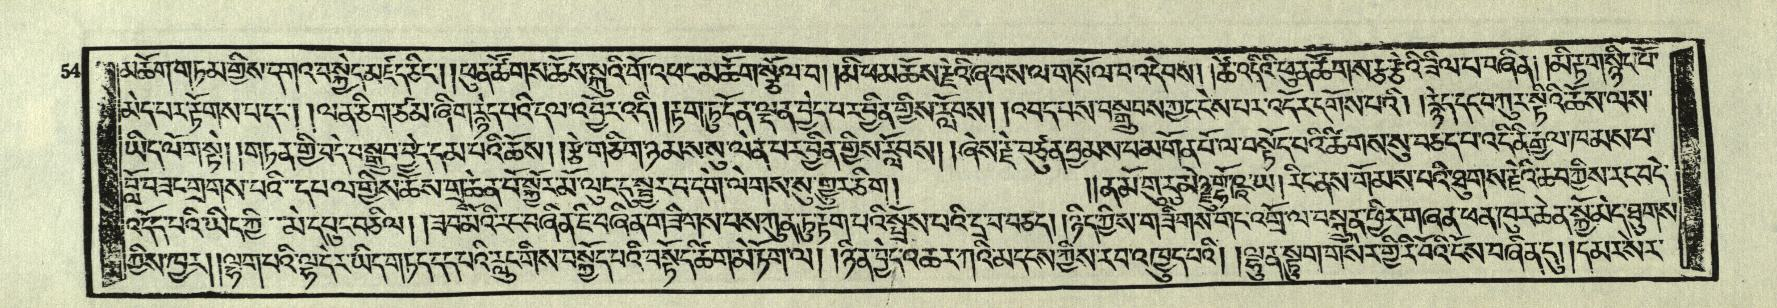མཆོག་གཏམ་གྱིས་དགའ་བསྐྱེད་མཛད་ཅིང་། །ཕུན་ཚོགས་ཆོས་སྐུའི་གོ་འཕང་མཆོག་སྩོལ་བ། །མི་ཕམ་ཆོས་རྗེའི་ཞབས་ལ་གསོལ་བ་འདེབས། །ཚེ་འདིའི་ཕུན་ཚོགས་རྩ་རྩེའི་ཟིལ་པ་བཞིན། །མི་རྟག་སྙིང་པོ་
མེད་པར་རྟོགས་པ་དང་། །ལན་ཅིག་ཙམ་ཞིག་རྙེད་པའི་དལ་འབྱོར་འདི། །རྟག་ཏུ་དོན་ལྡན་བྱེད་པར་བྱིན་གྱིས་རློབས། །འབད་པས་བསྒྲུབས་ཀྱང་ངེས་པར་འདོར་དགོས་པའི། །རྙེད་དང་བཀུར་སྟིའི་ཆོས་ལས་
ཡིད་ལོག་སྟེ། །གཏན་གྱི་བདེ་བསྒྲུབ་བྱེད་དམ་པའི་ཆོས། །རྩེ་གཅིག་ཉམས་སུ་ལེན་པར་བྱིན་གྱིས་རློབས། །ཞེས་རྗེ་བཙུན་བྱམས་པ་མགོན་པོ་ལ་བསྟོད་པའི་ཚིགས་སུ་བཅད་པ་འདི་ནི་རྒྱལ་ཁམས་པ་
བློ་བཟང་གྲགས་པའི་དཔལ་གྱིས་ཆོས་གྲྭ་ཆེན་པོ་སྐྱོར་མོ་ལུང་དུ་སྦྱར་བ་དགེ་ལེགས་སུ་གྱུར་ཅིག། །།ན་མོ་གུ་རུ་མེཉྫུ་གྷོ་ཥཱ་ཡ། རིང་ནས་གོམས་པའི་ཐུགས་རྗེའི་ཆབ་ཀྱིས་རང་བདེ་
འདོད་པའི་ཡིད་ཀྱི་མེ་དཔུང་བཅིལ། །ཟབ་མོའི་རང་བཞིན་ཇི་བཞིན་གཟིགས་པས་ཀུན་ཏུ་རྟོག་པའི་སྤྲོས་པའི་དྲ་བ་བཅད། །ཉིད་ཀྱིས་གཟིགས་གང་འགྲོ་ལ་བསྐྲུན་ཕྱིར་གཞན་ཕན་ཁུར་ཆེན་སྐྱོ་མེད་ཐུགས་
ཀྱིས་ཁྱར། །ལྷག་པའི་ལྷ་དེར་ཡིད་གཏད་དད་པའི་རླུང་གིས་བསྐྱོད་པའི་བསྟོད་ཚིག་མེ་ཏོག་ལ། །ཉིན་བྱེད་འཆར་ཀའི་མདངས་ཀྱིས་རབ་འཁྱུད་པའི། །ལྷུན་སྟུག་གསེར་གྱི་རི་བོའི་ངོས་བཞིན་དུ། །དམར་སེར་